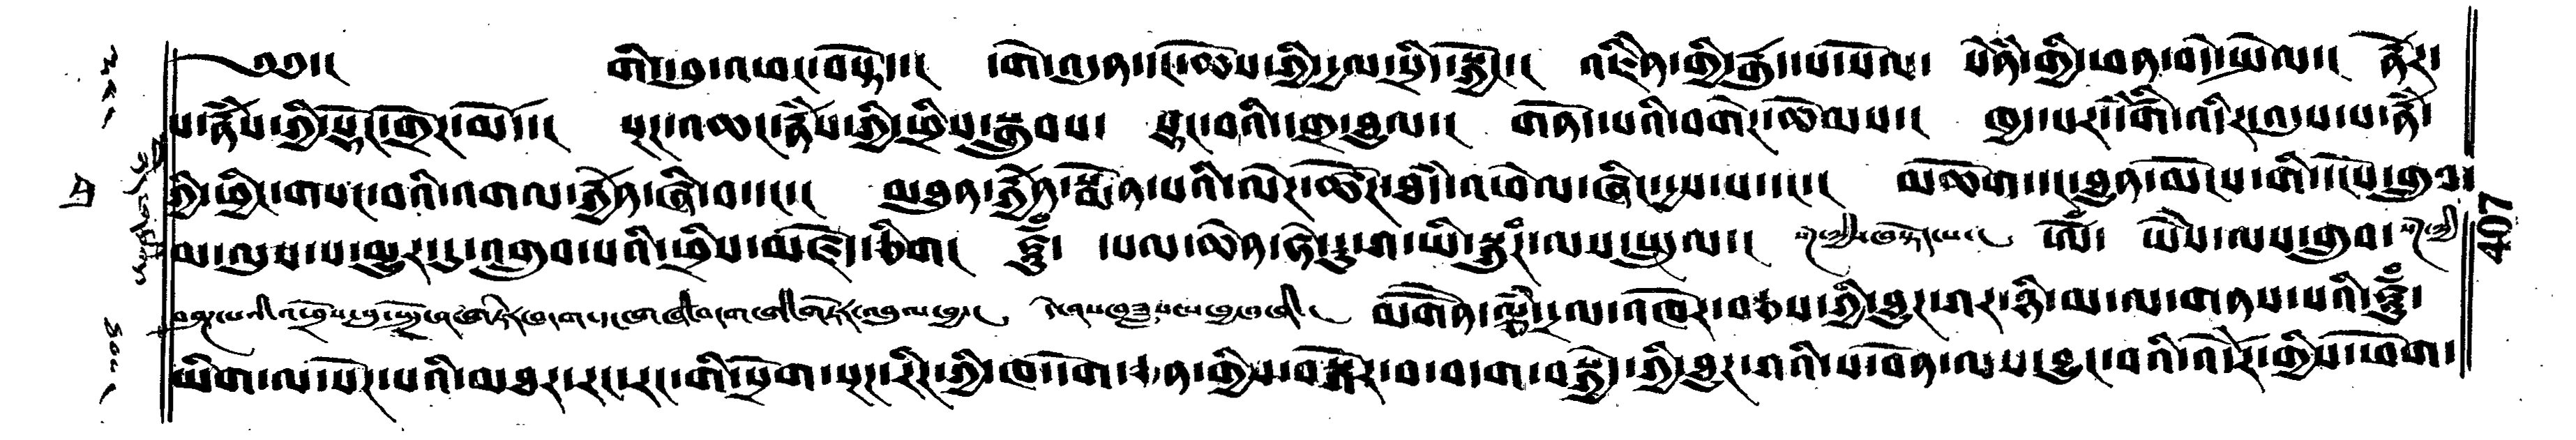གི་དབུ་འཕང་བསྟོད། དགེ་འདུན་དང་ཆོས་ཀྱི་རྒྱལ་སྲིད་སྐྱོངས། འཇིག་རྟེན་གྱི་རྒུད་པ་སོལ། སེམས་ཅན་གྱི་ཕན་བདེ་སྤེལ། རྣལ་འབྱོར་
པ་རྣམས་ཀྱི་སྡོང་གྲོགས་མཛོད། སྔགས་འཆང་རྣམས་ཀྱི་ཕྲིན་ལས་སྒྲུབས། སྡང་བའི་དགྲ་ཐུལ། གནོད་པའི་བགེགས་ཆོམས། ཁྱད་པར་དམ་ཚིག་གིས་འདིར་འདུས་པ་རྣམས་
ཀྱི་ཕྱི་ནང་གསང་བའི་འགལ་རྐྱེན་ཞི་བ་དང་། མཐུན་རྐྱེན་སྨོན་པའི་ལེགས་ཚོགས་ཐམས་ཅད་འཕེལ་ཞིང་རྒྱས་པ་དང་། མཆོག་དང་ཐུན་མོང་གི་དངོས་གྲུབ་
མ་ལུས་པ་མྱུར་དུ་འགྲུབ་པའི་ཕྲིན་ལས་མཛོད་ཅིག ཧཱུྃ། དཔལ་ཆེན་ཧེ་རུ་ཀ་ཡི་སྐུ་གསུང་ཐུགས་ལས་སྤྲུལ་སོགས་ཀྱིས་བསྟོད་པ། ཨོཾ། ཡེ་ཤེས་ལས་གྲུབ་སོགས་ཀྱི་
བཤགས་པའི་འཕྲོས་སུ་སྤྲོ་ན་གཏེར་བདག་དང་གཞི་བདག་གི་གཏོར་འབུལ་བྱ། དེ་ནས་བཟླས་པ་བྱ་བ་ནི། མགོན་པོ་ལྕམ་དྲལ་འཁོར་བཅས་ཀྱི་ཐུགས་ཀར་ཉི་མ་ལ་གནས་པའི་ཧཱུྃ་
ཡིག་ལ་སོགས་པའི་མཐར་རང་རང་གི་སྲོག་སྔགས་རིགས་ཀྱི་ཁ་དོག་ཅན་གྱིས་བསྐོར་བ་བདག་སྐྱེད་ཀྱི་ཐུགས་ཀའི་ས་བོན་ལས་བྱུང་བའི་འོད་ཟེར་གྱིས་ཕོག་